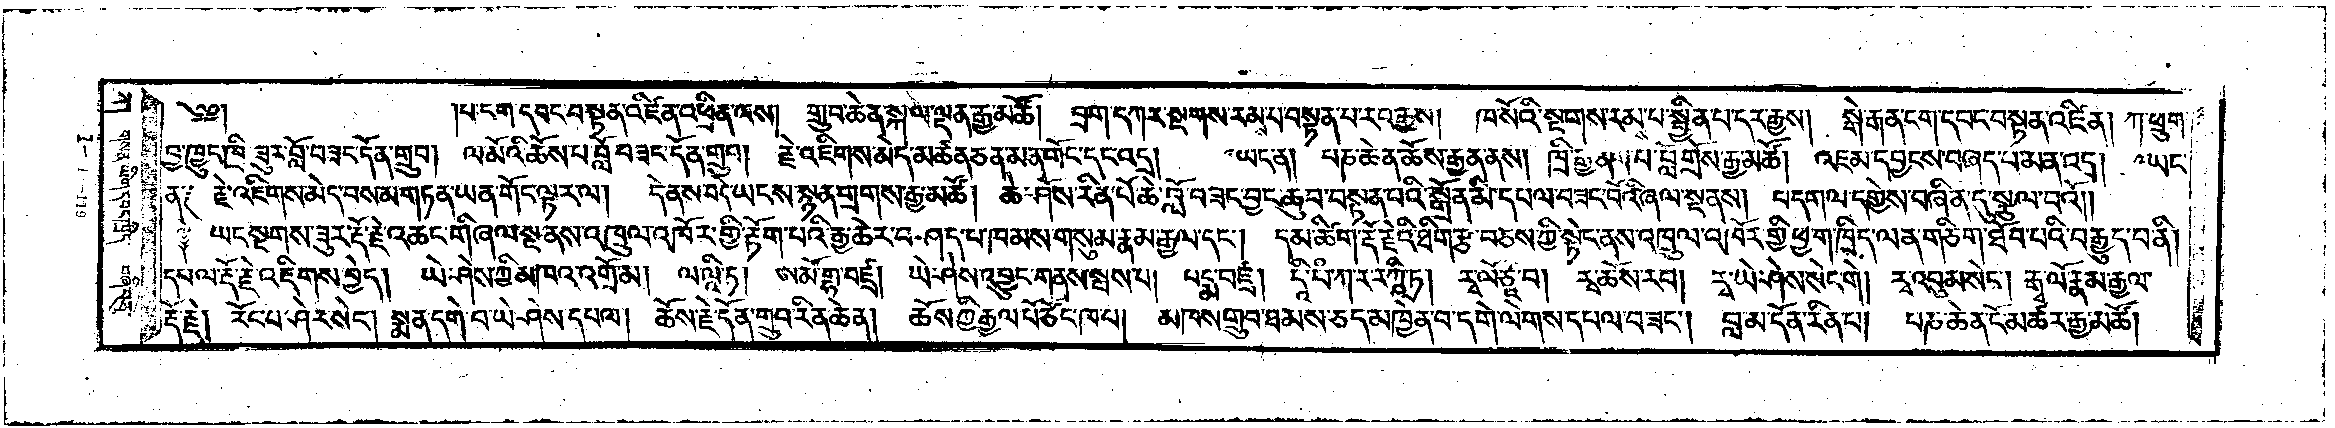༄༅། །པ་དག་དབང་བསྟན་འཛིན་འཕྲིན་ལས། གྲུབ་ཆེན་སྐལ་ལྡན་རྒྱ་མཚོ། བྲག་དཀར་སྔགས་རམས་པ་བསྟན་པ་རབ་རྒྱས། ཁ་སོའི་སྔགས་རམས་པ་སྦྱིན་པ་དར་རྒྱས། སྒེ་རྒན་ངག་དབང་བསྟན་འཛིན། ཀ་ཕྲུག་
བྱ་ཁྱུང་ཁྲི་ཟུར་བློ་བཟང་དོན་གྲུབ། ལ་མོའི་ཆོས་པ་བློ་བཟང་དོན་གྲུབ། རྗེ་འཇིགས་མེད་མཚན་ཅན་མན་གོང་དང་འདྲ། ༈ ཡང་ན། པཎ་ཆེན་ཆོས་རྒྱན་ནས། ཁྲི་རྒྱ་ནག་པ་བློ་གྲོས་རྒྱ་མཚོ། འཇམ་དབྱངས་བཞད་པ་མན་འདྲ། ༧ཡང་
ན༑ རྗེ་འཇིགས་མེད་བསམ་གཏན་ཡན་གོང་ལྟར་ལ། དེ་ནས་བདེ་ཡངས་སྙན་གྲགས་རྒྱ་མཚོ། ཆེ་ཤོས་རིན་པོ་ཆེ་བློ་བང་བྱང་ཆུ་བསྟན་པའི་སྒྲོན་མི་དཔལ་བཟང་པོའི་ཞལ་སྔ་ནས། བདག་ལ་དགྱེས་བཞིན་དུ་སྩལ་བའོ།།
༈ ཡང་སྔགས་ཟུར་རྡོ་རྗེ་འཆང་གི་ཞལ་སྔ་ནས་འཁྲུལ་འཁོར་གྱི་རྟོག་པའི་རྒྱ་ཆེར་བཤད་པ་ཁམས་གསུམ་རྣམ་རྒྱལ་དང་། དམ་ཚིག་རྡོ་རྗེའི་ཐིག་རྩ་བཅས་ཀྱི་སྟེང་ནས་འཁྲུལ་འཁོར་གྱི་ཕྱག་ཁྲིད་ལན་གཅིག་ཐོབ་པའི་བརྒྱུད་པ་ནི།
དཔལ་རྡོ་རྗེ་འཇིགས་བྱེད། ཡེ་ཤེས་ཀྱི་མཁའ་འགྲོ་མ། ལ་ལཱི་ཏ། ཨ་མོ་གྷ་བཛྲ། ཡེ་ཤེས་འབྱུང་གནས་སྤས་པ། པདམ་བྫྲ། དཱི་པཾ་ཀ་ར་རཀྵི་ཏ། རྭ་ལོཙའ་བ། རྭ་ཆོས་རབ། རྭ་ཡེ་ཤེས་སེང་གེ། རྭ་འབུམ་སེང་། རྒྭ་ལོ་རྣམ་རྒྱལ་
རྡོ་རྗེ། རོང་པ་ཤེར་སེང་། སྨན་དགེ་བ་ཡེ་ཤེས་དཔལ། ཆོས་རྗེ་དོན་གྲུབ་རིན་ཆེན། ཆོས་ཀྱི་རྒྱལ་པོ་ཙོང་ཁ་པ། མཁས་གྲུབ་ཐམས་ཅད་མཁྱེན་བ་དགེ་ལེགས་དཔལ་བཟང་། བླ་མ་དོན་རིན་པ། པཎ་ཆེན་ངོ་མཚར་རྒྱ་མཚོ།